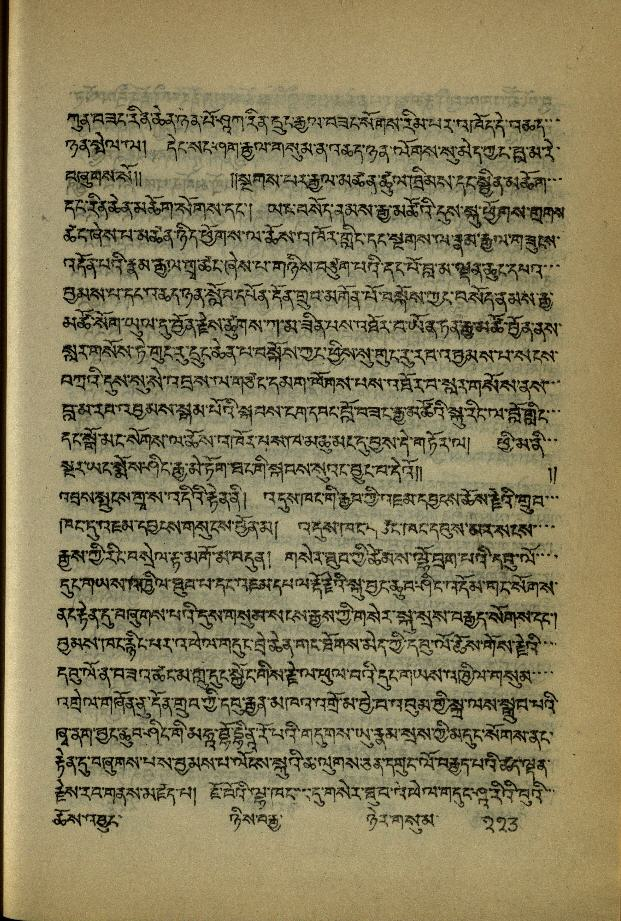ཀུན་བཟང་རིན་ཆེན་ཉན་པོ་ཤཱཀ་རིན་དྲུང་རྒྱལ་བཟང་སོགས་རིམ་པར་འཁོད་དེ་འཆད་
ཉན་སྤེལ་ལ། དེང་སང་ཤག་རྒྱལ་གསུམ་ན་འཆད་ཉན་ལོགས་སུ་མེད་ཀྱང་བླ་མ་རེ་
བཞུགས་སོ།། །།སྔགས་པར་རྒྱལ་མཚན་ཚུལ་ཁྲིམས་དང་སྦྱིན་མཆོག་
དང་རིན་ཆེན་མཆོག་སོགས་དང་། ཡང་བསོད་ནམས་རྒྱ་མཚོའི་དུས་སྐུ་ཕྱོགས་གྲགས་
ཚང་ཞེས་པ་མཚན་ཉིད་ཕྱོགས་ལ་ཆོས་འཁོར་གླིང་དང་སྔགས་ལ་རྣམ་རྒྱལ་གཟུངས་
འདོན་པའི་རྣམ་རྒྱལ་གྲྭ་ཚང་ཞེས་པ་གཉིས་བཙུག་པའི་དང་པོ་བླ་མ་ལྡན་ཆུང་དཔའ་
བྱམས་པ་དང་འཆད་ཉན་སློབ་དཔོན་དོན་གྲུབ་མགོན་པོ་བསྐོས་ཀྱང་བསོད་ནམས་རྒྱ་
མཚོ་སོག་ཡུལ་དུ་བྱོན་རྗེས་ཚུགས་ཀ་མ་ཟིན་པས་འཐོར་བ་ཡོན་ཏན་རྒྱ་མཚོ་བྱོན་ནས་
སླར་གསོས་ཏེ་གུང་རུ་དྲུང་ཆེན་པ་བསྐོས་ཀྱང་ཕྱིས་སུ་གུང་རུ་རབ་འབྱམས་པ་སངས་
བཀྲའི་དུས་སུ་སེ་འབྲས་ལ་གཙང་དམག་ཕོགས་པས་འཐོར་བ་སླར་གསོས་ནས་
བླ་མ་རབ་འབྱམས་སྒམ་པོའི་སྐབས་ངག་དབང་བློ་བཟང་རྒྱ་མཚོའི་སྐུ་རིང་ལ་བློ་གླིང་
དང་སྒོ་མང་སོགས་ལ་ཆོས་འཁོར་པས་ཁ་མཆུ་མང་དུ་བྱས་ཏེ་གཏོར་ལ། ཕྱི་མ་ནི་
སྔར་ཡང་སྨོས་ཤིང་རྒྱ་མེ་ཏོག་ཐང་གི་སྐབས་སུའང་བྱུང་བ་དེའོ།། །།
འབྲས་སྤུངས་གྲྭ་ས་འདིའི་རྟེན་ནི། འདུས་ཁང་གི་རྒྱབ་ཀྱི་འཇམ་དབྱངས་ཆོས་རྗེའི་གྲུབ་
ཁང་དུ་འཇམ་དབྱངས་གསུངས་བྱོན་མ། འདུས་ཁང་གཙང་ཁང་དབུས་མར་སངས་
རྒྱས་ཀྱི་རིང་བསྲེལ་རྟ་མགོ་མ་བདུན། གསེར་ཐུབ་ཀྱི་ཚེམས་ལྷོ་བྲག་པའི་དབུ་ལོ་
དུང་གཡས་འཁྱིལ་ཐུབ་པ་དང་འཇམ་དཔལ་རྡོ་རྗེའི་སྐུ་བྱང་ཆུབ་ཤིང་འདོམ་གང་སོགས་
ནང་རྟེན་དུ་བཞུགས་པའི་དུས་གསུམ་སངས་རྒྱས་ཀྱི་གསེར་སྐུ་སངས་རྒྱས་བརྒྱད་སོགས་དང་
བྱམས་ཁང་རྙིང་པར་འཕེལ་གདུང་བྲེ་ཆེན་གང་ཐོགས་མེད་ཀྱི་དབུ་ལོ་ཆོས་གོས་རྗེའི་
དབུ་ལོ་ན་བཟའ་ཚང་མ་ཀླུ་དུང་སྐྱོང་གིས་རྗེ་ལ་ཕུལ་བའི་དུང་གཡས་འཁྱིལ་གསུམ་
འགྲེལ་གཞོན་ནུ་དོན་གྲུབ་ཀྱི་དབུ་རྒྱན་མཁའ་འགྲོ་མ་བྱེ་བ་འབུམ་གྱི་སྐྲ་ལས་སྒྲུབ་པའི་
ཞྭ་ནག་བྱང་ཆུབ་ཤིང་གི་མཧཱ་བྷོ་དྷི་ནཱ་རོ་པའི་གདུགས་ཡུ་རྣམ་སྲས་ཀྱི་མདུང་སོགས་ནང་
རྟེན་དུ་བཞུགས་པས་བྱམས་པ་ལོངས་སྐུའི་ཆ་ལུགས་ཅན་དགུང་ལོ་བརྒྱད་པའི་ཚད་ལྡན་
རྗེས་རབ་གནས་མཛད་པ། ཇོ་བོའི་ལྷ་ཁང་འདུ་གསེར་ཐུབ་འཕེལ་གདུང་ཤཱ་རིའི་བུའི་